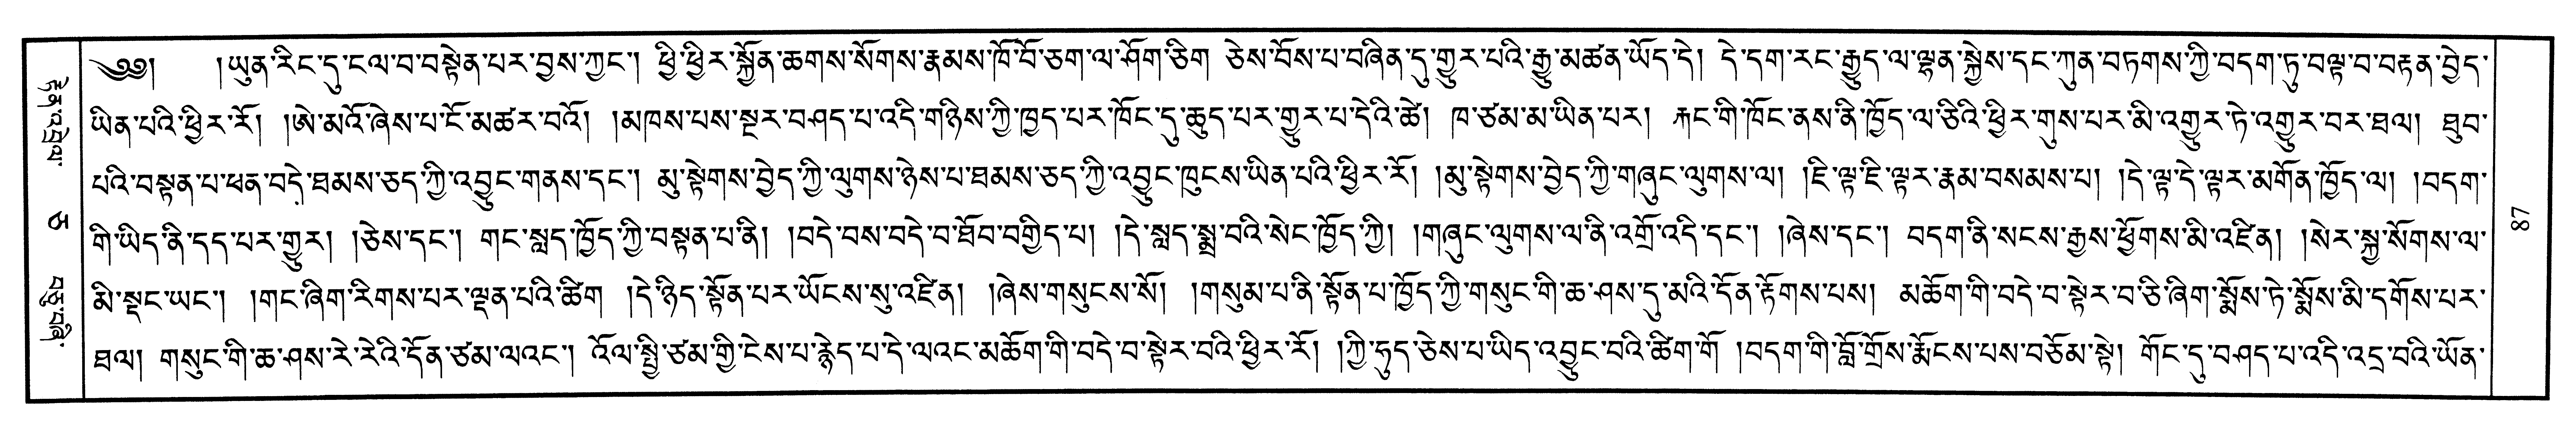༄༅། །ཡུན་རིང་དུ་ངལ་བ་བསྟེན་པར་བྱས་ཀྱང་། ཕྱི་ཕྱིར་སྐྱོན་ཆགས་སོགས་རྣམས་ཁོ་བོ་ཅག་ལ་ཤོག་ཅིག །ཅེས་བོས་པ་བཞིན་དུ་གྱུར་པའི་རྒྱུ་མཚན་ཡོད་དེ། དེ་དག་རང་རྒྱུད་ལ་ལྷན་སྐྱེས་དང་ཀུན་བཏགས་ཀྱི་བདག་ཏུ་བལྟ་བ་བརྟན་བྱེད་
ཡིན་པའི་ཕྱིར་རོ། །ཨེ་མའོ་ཞེས་པ་ངོ་མཚར་བའོ། །མཁས་པས་སྔར་བཤད་པ་འདི་གཉིས་ཀྱི་ཁྱད་པར་ཁོང་དུ་ཆུད་པར་གྱུར་པ་དེའི་ཚེ། ཁ་ཙམ་མ་ཡིན་པར། རྐང་གི་ཁོང་ནས་ནི་ཁྱོད་ལ་ཅིའི་ཕྱིར་གུས་པར་མི་འགྱུར་ཏེ་འགྱུར་བར་ཐལ། ཐུབ་
པའི་བསྟན་པ་ཕན་བདེ་ཐམས་ཅད་ཀྱི་འབྱུང་གནས་དང་། མུ་སྟེགས་བྱེད་ཀྱི་ལུགས་ཉེས་པ་ཐམས་ཅད་ཀྱི་འབྱུང་ཁུངས་ཡིན་པའི་ཕྱིར་རོ། །མུ་སྟེགས་བྱེད་ཀྱི་གཞུང་ལུགས་ལ། །ཇི་ལྟ་ཇི་ལྟར་རྣམ་བསམས་པ། །དེ་ལྟ་དེ་ལྟར་མགོན་ཁྱོད་ལ། །བདག་
གི་ཡིད་ནི་དད་པར་གྱུར། །ཅེས་དང་། གང་སླད་ཁྱོད་ཀྱི་བསྟན་པ་ནི། །བདེ་བས་བདེ་བ་ཐོབ་བགྱིད་པ། །དེ་སླད་སྨྲ་བའི་སེང་ཁྱོད་ཀྱི། །གཞུང་ལུགས་ལ་ནི་འགྲོ་འདི་དང་། །ཞེས་དང་། བདག་ནི་སངས་རྒྱས་ཕྱོགས་མི་འཛིན། །སེར་སྐྱ་སོགས་ལ་
མི་སྡང་ཡང་། །གང་ཞིག་རིགས་པར་ལྡན་པའི་ཚིག །དེ་ཉིད་སྟོན་པར་ཡོངས་སུ་འཛིན། །ཞེས་གསུངས་སོ། །གསུམ་པ་ནི་སྟོན་པ་ཁྱོད་ཀྱི་གསུང་གི་ཆ་ཤས་དུ་མའི་དོན་རྟོགས་པས། །མཆོག་གི་བདེ་བ་སྟེར་བ་ཅི་ཞིག་སྨོས་ཏེ་སྨོས་མི་དགོས་པར་
ཐལ། གསུང་གི་ཆ་ཤས་རེ་རེའི་དོན་ཙམ་ལའང་། འོལ་སྤྱི་ཙམ་གྱིས་ངེས་པ་རྙེད་པ་དེ་ལའང་མཆོག་གི་བདེ་བ་སྟེར་བའི་ཕྱིར་རོ། །ཀྱི་ཧུད་ཅེས་པ་ཡིད་འབྱུང་བའི་ཚིག་གོ །བདག་གི་བློ་གྲོས་རྨོངས་པས་བཅོམ་སྟེ། གོང་དུ་བཤད་པ་འདི་འདྲ་བའི་ཡོན་